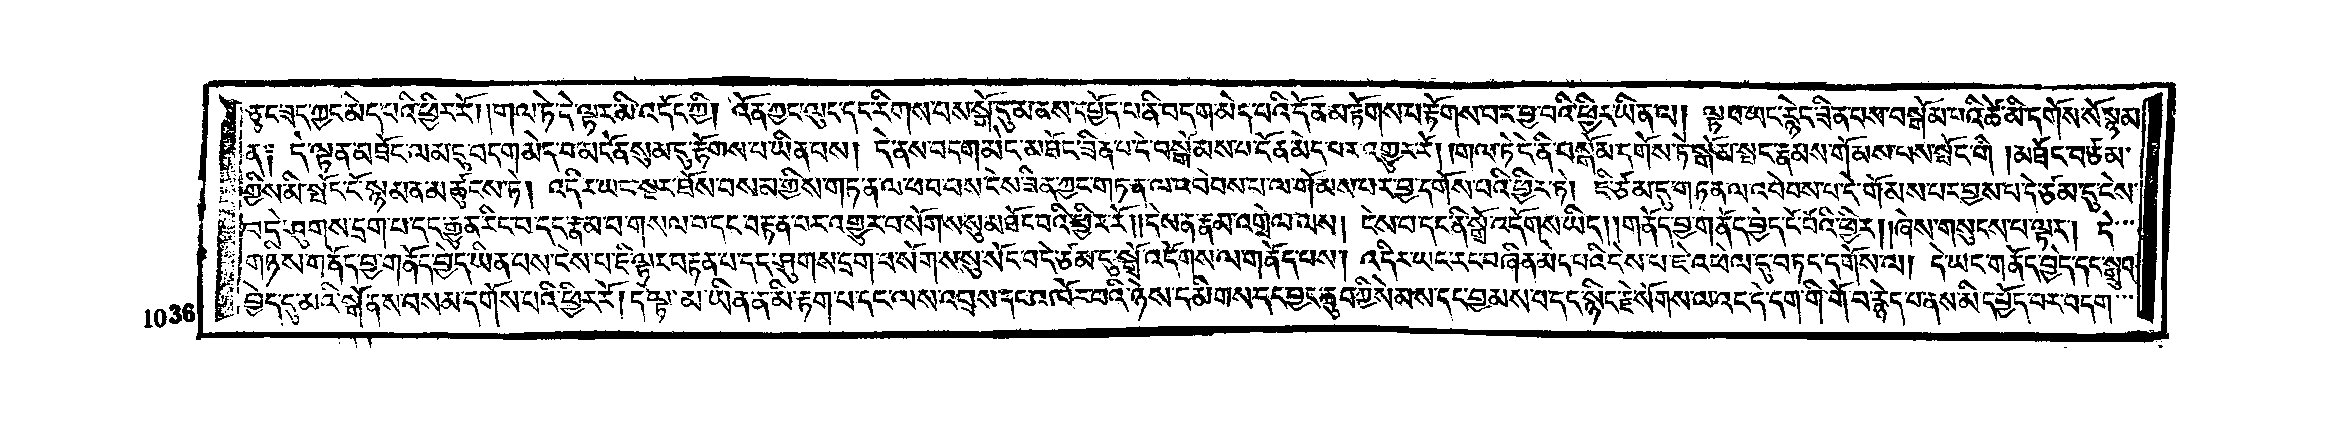ཅུང་ཟད་ཀྱང་མེད་པའི་ཕྱིར་རོ། །གལ་ཏེ་དེ་ལྟར་མི་འདོད་ཀྱི། འོན་ཀྱང་ལུང་དང་རིགས་པས་སྒོ་དུ་མ་ནས་དཔྱོད་པ་ནི་བདག་མེད་པའི་དོན་མ་རྟོགས་པ་རྟོགས་པར་བྱ་བའི་ཕྱིར་ཡིན་ལ། ལྟ་བ་ཡང་རྙེད་ཟིན་པས་བསྒོམ་པའི་ཚེ་མི་དགོས་སོ་སྙམ་
ན༑ དེ་ལྟ་ན་མཐོང་ལམ་དུ་བདག་མེད་པ་མངོན་སུམ་དུ་རྟོགས་པ་ཡིན་པས། དེ་ནས་བདག་མེད་མཐོང་ཟིན་པ་དེ་བསྒོམས་པ་དོན་མེད་པར་འགྱུར་རོ། །གལ་ཏེ་དེ་ནི་བསྒོམ་དགོས་ཏེ་སྒོམ་སྤང་རྣམས་གོམས་པས་སྤོང་གི། མཐོང་བ་ཙམ་
གྱིས་མི་སྤོང་ངོ་སྙམ་ན་མཚུངས་ཏེ། འདིར་ཡང་སྔར་ཐོས་བསམ་གྱིས་གཏན་ལ་ཕབ་པས་ངེས་ཟིན་ཀྱང་གཏན་ལ་འབེབས་པ་ལ་གོམས་པར་བྱ་དགོས་པའི་ཕྱིར་ཏེ། ཇི་ཙམ་དུ་གཏན་ལ་འབེབས་པ་དེ་གོམས་པར་བྱས་པ་དེ་ཙམ་དུ་ངེས་
པ་དེ་ཤུགས་དྲག་པ་དང་རྒྱུན་རིང་བ་དང་རྣམ་པ་གསལ་བ་དང་བརྟན་པར་འགྱུར་བ་སོགས་སུ་མཐོང་བའི་ཕྱིར་རོ། །དེས་ན་རྣམ་འགྲེལ་ལས། ངེས་པ་དང་ནི་སྒྲོ་འདོགས་ཡིད། །གནོད་བྱ་གནོད་བྱེད་ངོ་བོའི་ཕྱིར། །ཞེས་གསུངས་པ་ལྟར། དེ་
གཉིས་གནོད་བྱ་གནོད་བྱེད་ཡིན་པས་ངེས་པ་ཇི་ལྟར་བརྟན་པ་དང་ཤུགས་དྲག་པ་སོགས་སུ་སོང་བ་དེ་ཙམ་དུ་སྒྲོ་འདོགས་ལ་གནོད་པས། འདིར་ཡང་རང་བཞིན་མེད་པའི་ངེས་པ་ཇེ་འཕེལ་དུ་བཏང་དགོས་ལ། དེ་ཡང་གནོད་བྱེད་དང་སྒྲུབ་
བྱེད་དུ་མའི་སྒོ་ནས་བསམ་དགོས་པའི་ཕྱིར་རོ། །དེ་ལྟ་མ་ཡིན་ན་མི་རྟག་པ་དང་ལས་འབྲས་དང་འཁོར་བའི་ཉེས་དམིགས་དང་བྱང་ཆུབ་ཀྱི་སེམས་དང་བྱམས་པ་དང་སྙིང་རྗེ་སོགས་ལའང་དེ་དག་གི་གོ་བ་རྙེད་བ་ནས་མི་དཔྱོད་བར་བདག་